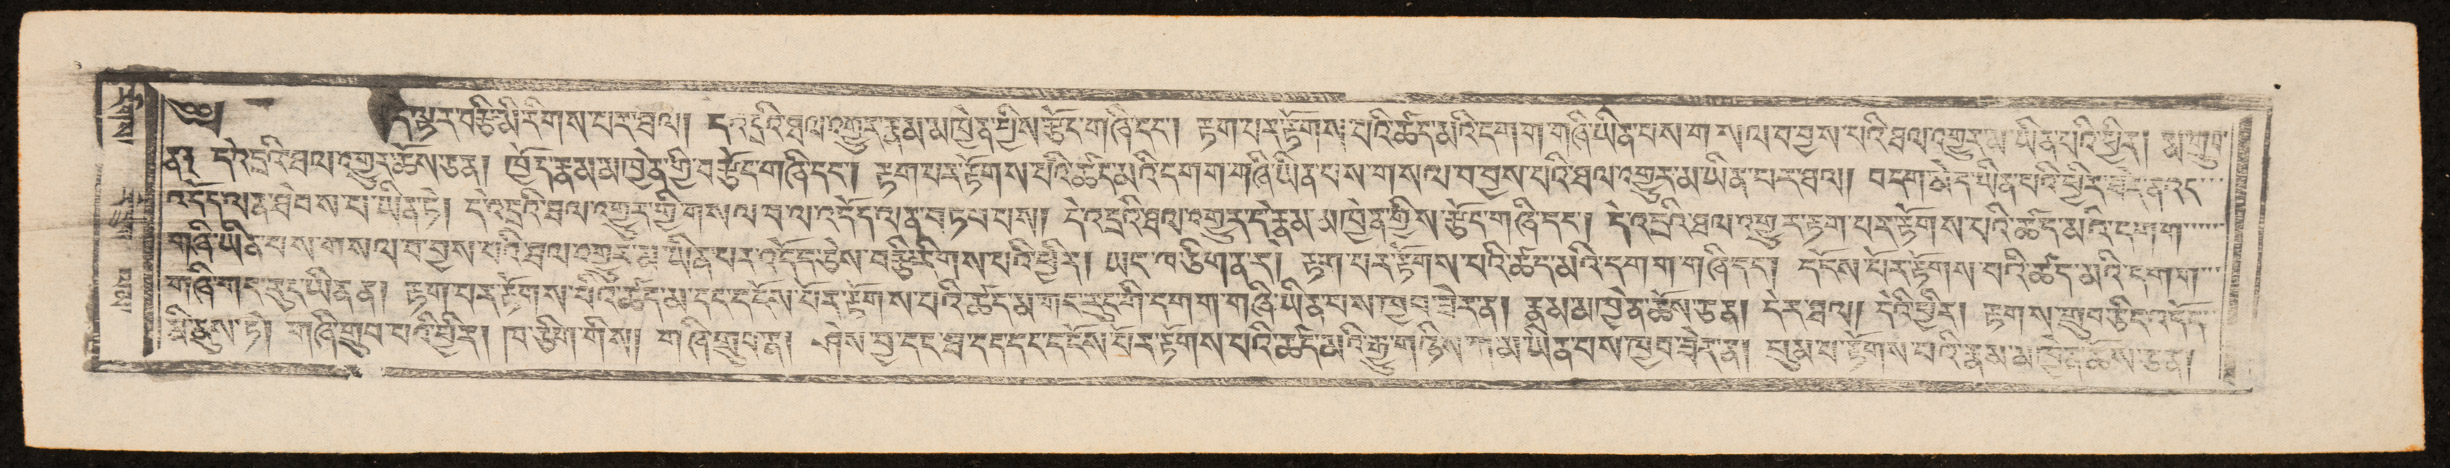༄༅། །དེ་ལྟར་བརྩི་མི་རིགས་པར་ཐལ། དེ་འདྲའི་ཐལ་འགྱུར་རྣམ་མཁྱེན་གྱིས་རྩོད་གཞི་དང་། རྟག་པར་རྟོགས་པའི་ཚད་མའི་དགག་གཞི་ཡིན་པས་གསལ་བ་བྱས་པའི་ཐལ་འགྱུར་མ་ཡིན་པའི་ཕྱིར། མ་གྲུབ་
ན། དེ་འདྲའི་ཐལ་འགྱུར་ཆོས་ཅན། ཁྱོད་རྣམ་མཁྱེན་གྱིས་རྩོད་གཞི་དང་། རྟག་པར་རྟོགས་པའི་ཚད་མའི་དགག་གཞི་ཡིན་པས་གསལ་བ་བྱས་པའི་ཐལ་འགྱུར་མ་ཡིན་པར་ཐལ། བདག་མེད་ཡིན་པའི་ཕྱིར་ཟེར་ནའང་
འདོད་ལན་ཐེབས་པ་ཡིན་ཏེ། དེ་འདྲའི་ཐལ་འགྱུར་གྱི་གསལ་བ་ལ་འདོད་ལན་བཏབ་པས། དེ་འདྲའི་ཐལ་འགྱུར་དེ་རྣམ་མཁྱེན་གྱིས་རྩོད་གཞི་དང་། དེ་འདྲའི་ཐལ་འགྱུར་རྟག་པར་རྟོགས་པའི་ཚད་མའི་དགག་
གཞི་ཡིན་པས་གསལ་བ་བྱས་པའི་ཐལ་འགྱུར་མ་ཡིན་པར་འདོད་ཅེས་བརྩི་རིགས་པའི་ཕྱིར། ཡང་ཁ་ཅིག་ན་རེ། རྟག་པར་རྟོགས་པའི་ཚད་མའི་དགག་གཞི་དང་། དངོས་པོར་རྟོགས་པའི་ཚད་མའི་དགག་
གཞི་གང་རུང་ཡིན་ན། རྟག་པར་རྟོགས་པའི་ཚད་མ་དང་དངོས་པོར་རྟོགས་པའི་ཚད་མ་གང་རུང་གི་དགག་གཞི་ཡིན་པས་ཁྱབ་ཟེར་ན། རྣམ་མཁྱེན་ཆོས་ཅན། དེར་ཐལ། དེའི་ཕྱིར། རྟགས་གྲུབ་ཅིང་འདོད་
མི་ནུས་ཏེ། གཞི་གྲུབ་པའི་ཕྱིར། ཁ་ཅིག་གིས། གཞི་གྲུབ་ན། ཤེས་བྱ་དང་ཐ་དད་དང་དངོས་པོར་རྟོགས་པའི་ཚད་མའི་རྒྱུ་གཉིས་ཀ་མ་ཡིན་པས་ཁྱབ་ཟེར་ན། བུམ་པ་རྟོགས་པའི་རྣམ་མཁྱེན་ཆོས་ཅན།